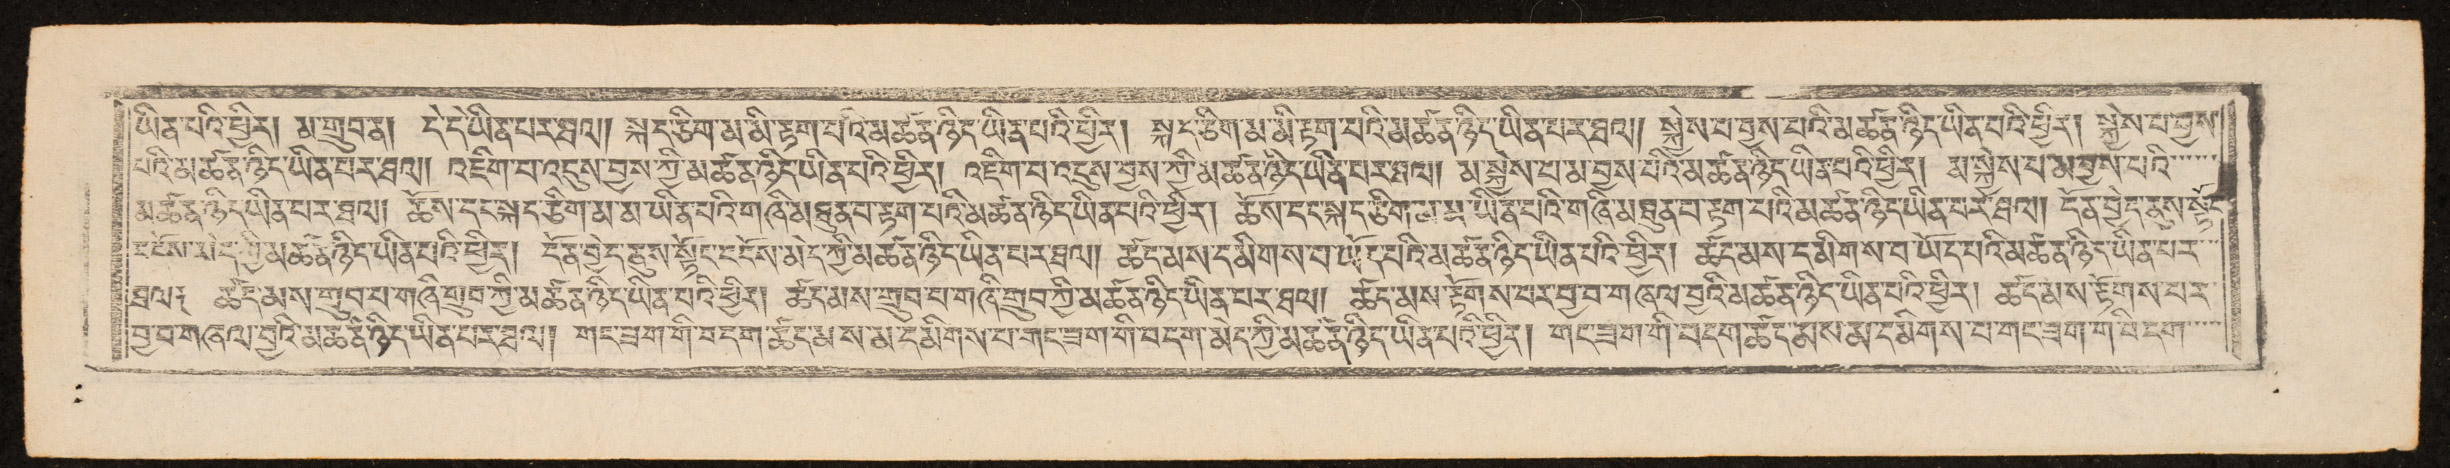ཡིན་པའི་ཕྱིར། མ་གྲུབ་ན། དེ་དེ་ཡིན་པར་ཐལ། སྐད་ཅིག་མ་མི་རྟག་པའི་མཚན་ཉིད་ཡིན་པའི་ཕྱིར། སྐད་ཅིག་མ་མི་རྟག་པའི་མཚན་ཉིད་ཡིན་པར་ཐལ། སྐྱེས་པ་བྱས་པའི་མཚན་ཉིད་ཡིན་པའི་ཕྱིར། སྐྱེས་པ་བྱས་
པའི་མཚན་ཉིད་ཡིན་པར་ཐལ། འཇིག་པ་འདུས་བྱས་ཀྱི་མཚན་ཉིད་ཡིན་པའི་ཕྱིར། འཇིག་པ་འདུས་བྱས་ཀྱི་མཚན་ཉིད་ཡིན་པར་ཐལ། མ་སྐྱེས་པ་མ་བྱས་པའི་མཚན་ཉིད་ཡིན་པའི་ཕྱིར། མ་སྐྱེས་པ་མ་བྱས་པའི་
མཚན་ཉིད་ཡིན་པར་ཐལ། ཆོས་དང་སྐད་ཅིག་མ་མ་ཡིན་པའི་གཞི་མཐུན་པ་རྟག་པའི་མཚན་ཉིད་ཡིན་པའི་ཕྱིར། ཆོས་དང་སྐད་ཅིག་མ་མ་ཡིན་པའི་གཞི་མཐུན་པ་རྟག་པའི་མཚན་ཉིད་ཡིན་པར་ཐལ། དོན་བྱེད་ནུས་སྟོང་
དངོས་མེད་ཀྱི་མཚན་ཉིད་ཡིན་པའི་ཕྱིར། དོན་བྱེད་ནུས་སྟོང་དངོས་མེད་ཀྱི་མཚན་ཉིད་ཡིན་པར་ཐལ། ཚད་མས་དམིགས་པ་ཡོད་པའི་མཚན་ཉིད་ཡིན་པའི་ཕྱིར། ཚད་མས་དམིགས་པ་ཡོད་པའི་མཚན་ཉིད་ཡིན་པར་
ཐལ། ཚད་མས་གྲུབ་པ་གཞི་གྲུབ་ཀྱི་མཚན་ཉིད་ཡིན་པའི་ཕྱིར། ཚད་མས་གྲུབ་པ་གཞི་གྲུབ་ཀྱི་མཚན་ཉིད་ཡིན་པར་ཐལ། ཚད་མས་རྟོགས་པར་བྱ་བ་གཞལ་བྱའི་མཚན་ཉིད་ཡིན་པའི་ཕྱིར། ཚད་མས་རྟོགས་པར་
བྱ་བ་གཞལ་བྱའི་མཚན་ཉིད་ཡིན་པར་ཐལ། གང་ཟག་གི་བདག་ཚད་མས་མ་དམིགས་པ་གང་ཟག་གི་བདག་མེད་ཀྱི་མཚན་ཉིད་ཡིན་པའི་ཕྱིར། གང་ཟག་གི་བདག་ཚད་མས་མ་དམིགས་པ་གང་ཟག་གི་བདག་